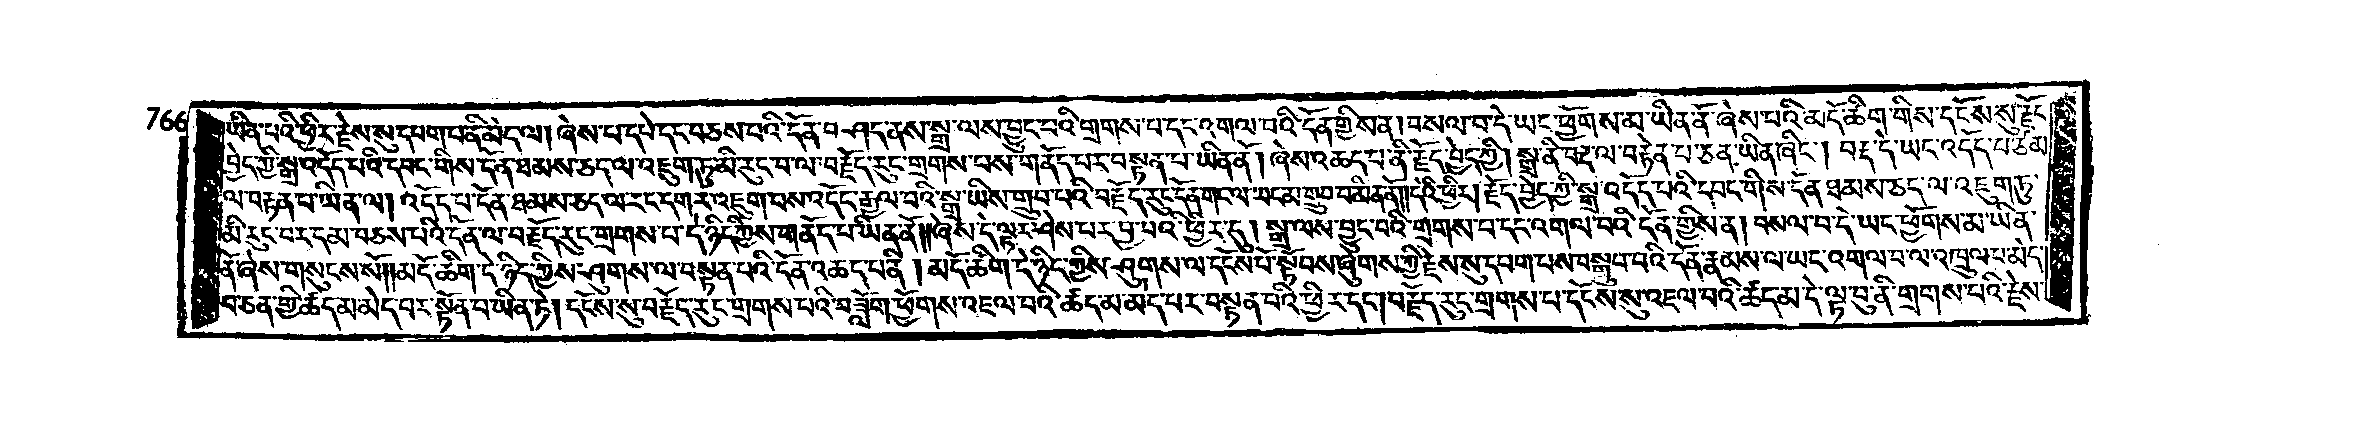ཡིན་པའི་ཕྱིར་རྗེས་སུ་དཔག་པ་ནི་མེད་ལ། ཞེས་པ་དཔེ་དང་བཅས་པའི་དོན་བཤད་ནས་སྒྲ་ལས་བྱུང་པའི་གྲགས་པ་དང་འགལ་བའི་དོན་གྱིས་ན། བསླ་བ་དེ་ཡང་ཕྱོགས་མ་ཡིན་ནོ་ཞེས་པའི་མདོ་ཚིག་གིས་དངོས་སུ་རྗོད་
བྱེད་ཀྱི་སྒྲ་འདོད་པའི་དབང་གིས་དོན་ཐམས་ཅད་ལ་འཇུག་ཏུ་མི་རུང་བ་ལ་བརྗོད་རུང་གྲགས་པས་གནོད་པར་བསྟན་པ་ཡིན་ནོ། ཞེས་འཆད་པ་ནི་རྗོད་བྱེད་ཀྱི། སྒྲ་ནི་བརྡ་ལ་བརྟེན་པ་ཅན་ཡིན་ཞིང་། བརྡ་དེ་ཡང་འདོད་པ་ཙམ་
ལ་བརྟན་པ་ཡིན་ལ། འདོད་པ་དོན་ཐམས་ཅད་ལ་རང་དགར་འཇུག་པས་འདོད་རྒྱལ་བའི་སྒྲ་ཡིས་གྲུབ་པའི་བརྗོད་རུང་དོན་གང་ལ་ཡང་མ་གྲུབ་པ་མིན་ནོ། །དེའི་ཕྱིར། རྗོད་བྱེད་ཀྱི་སྒྲ་འདོད་པའི་དབང་གིས་དོན་ཐམས་ཅད་ལ་འཇུག་ཏུ་
མི་རུང་བར་དམ་བཅས་པའི་དོན་ལ་བརྗོད་རུང་གྲགས་པ་དེ་ཉིད་ཀྱིས་གནོད་པ་ཡིན་ནོ། །ཞེས་དེ་ལྟར་ཤེས་པར་བྱ་བའི་ཕྱིར་དུ། སྒྲ་ལས་བྱུང་བའི་གྲགས་པ་དང་འགལ་བའི་དོན་གྱིས་ན། བསལ་བ་དེ་ཡང་ཕྱོགས་མ་ཡིན་
ནོ་ཞེས་གསུངས་སོ། །མདོ་ཚིག་དེ་ཉིད་ཀྱིས་ཤུགས་ལ་བསྟན་པའི་དོན་འཆད་པ་ནི། མདོ་ཚིག་དེ་ཉིད་ཀྱིས་ཤུགས་ལ་དངོས་པོ་སྟོབས་ཞུགས་ཀྱི་རྗེས་སུ་དཔག་པས་བསྒྲུབ་པའི་དོན་རྣམས་ལ་ཡང་འགལ་བ་ལ་འཁྲུལ་པ་མེད་
པ་ཅན་གྱི་ཚད་མ་མེད་པར་སྟོན་པ་ཡིན་ཏེ། དངོས་སུ་བརྗོད་རུང་གྲགས་པའི་བཟློག་ཕྱོགས་འཇལ་བའི་ཚད་མ་མེད་པར་བསྟན་པའི་ཕྱིར་དང་། བརྗོད་རུང་གྲགས་པ་དངོས་སུ་འཇལ་བའི་ཚད་མ་དེ་ལྟ་བུ་ནི་གྲགས་པའི་རྗེས་